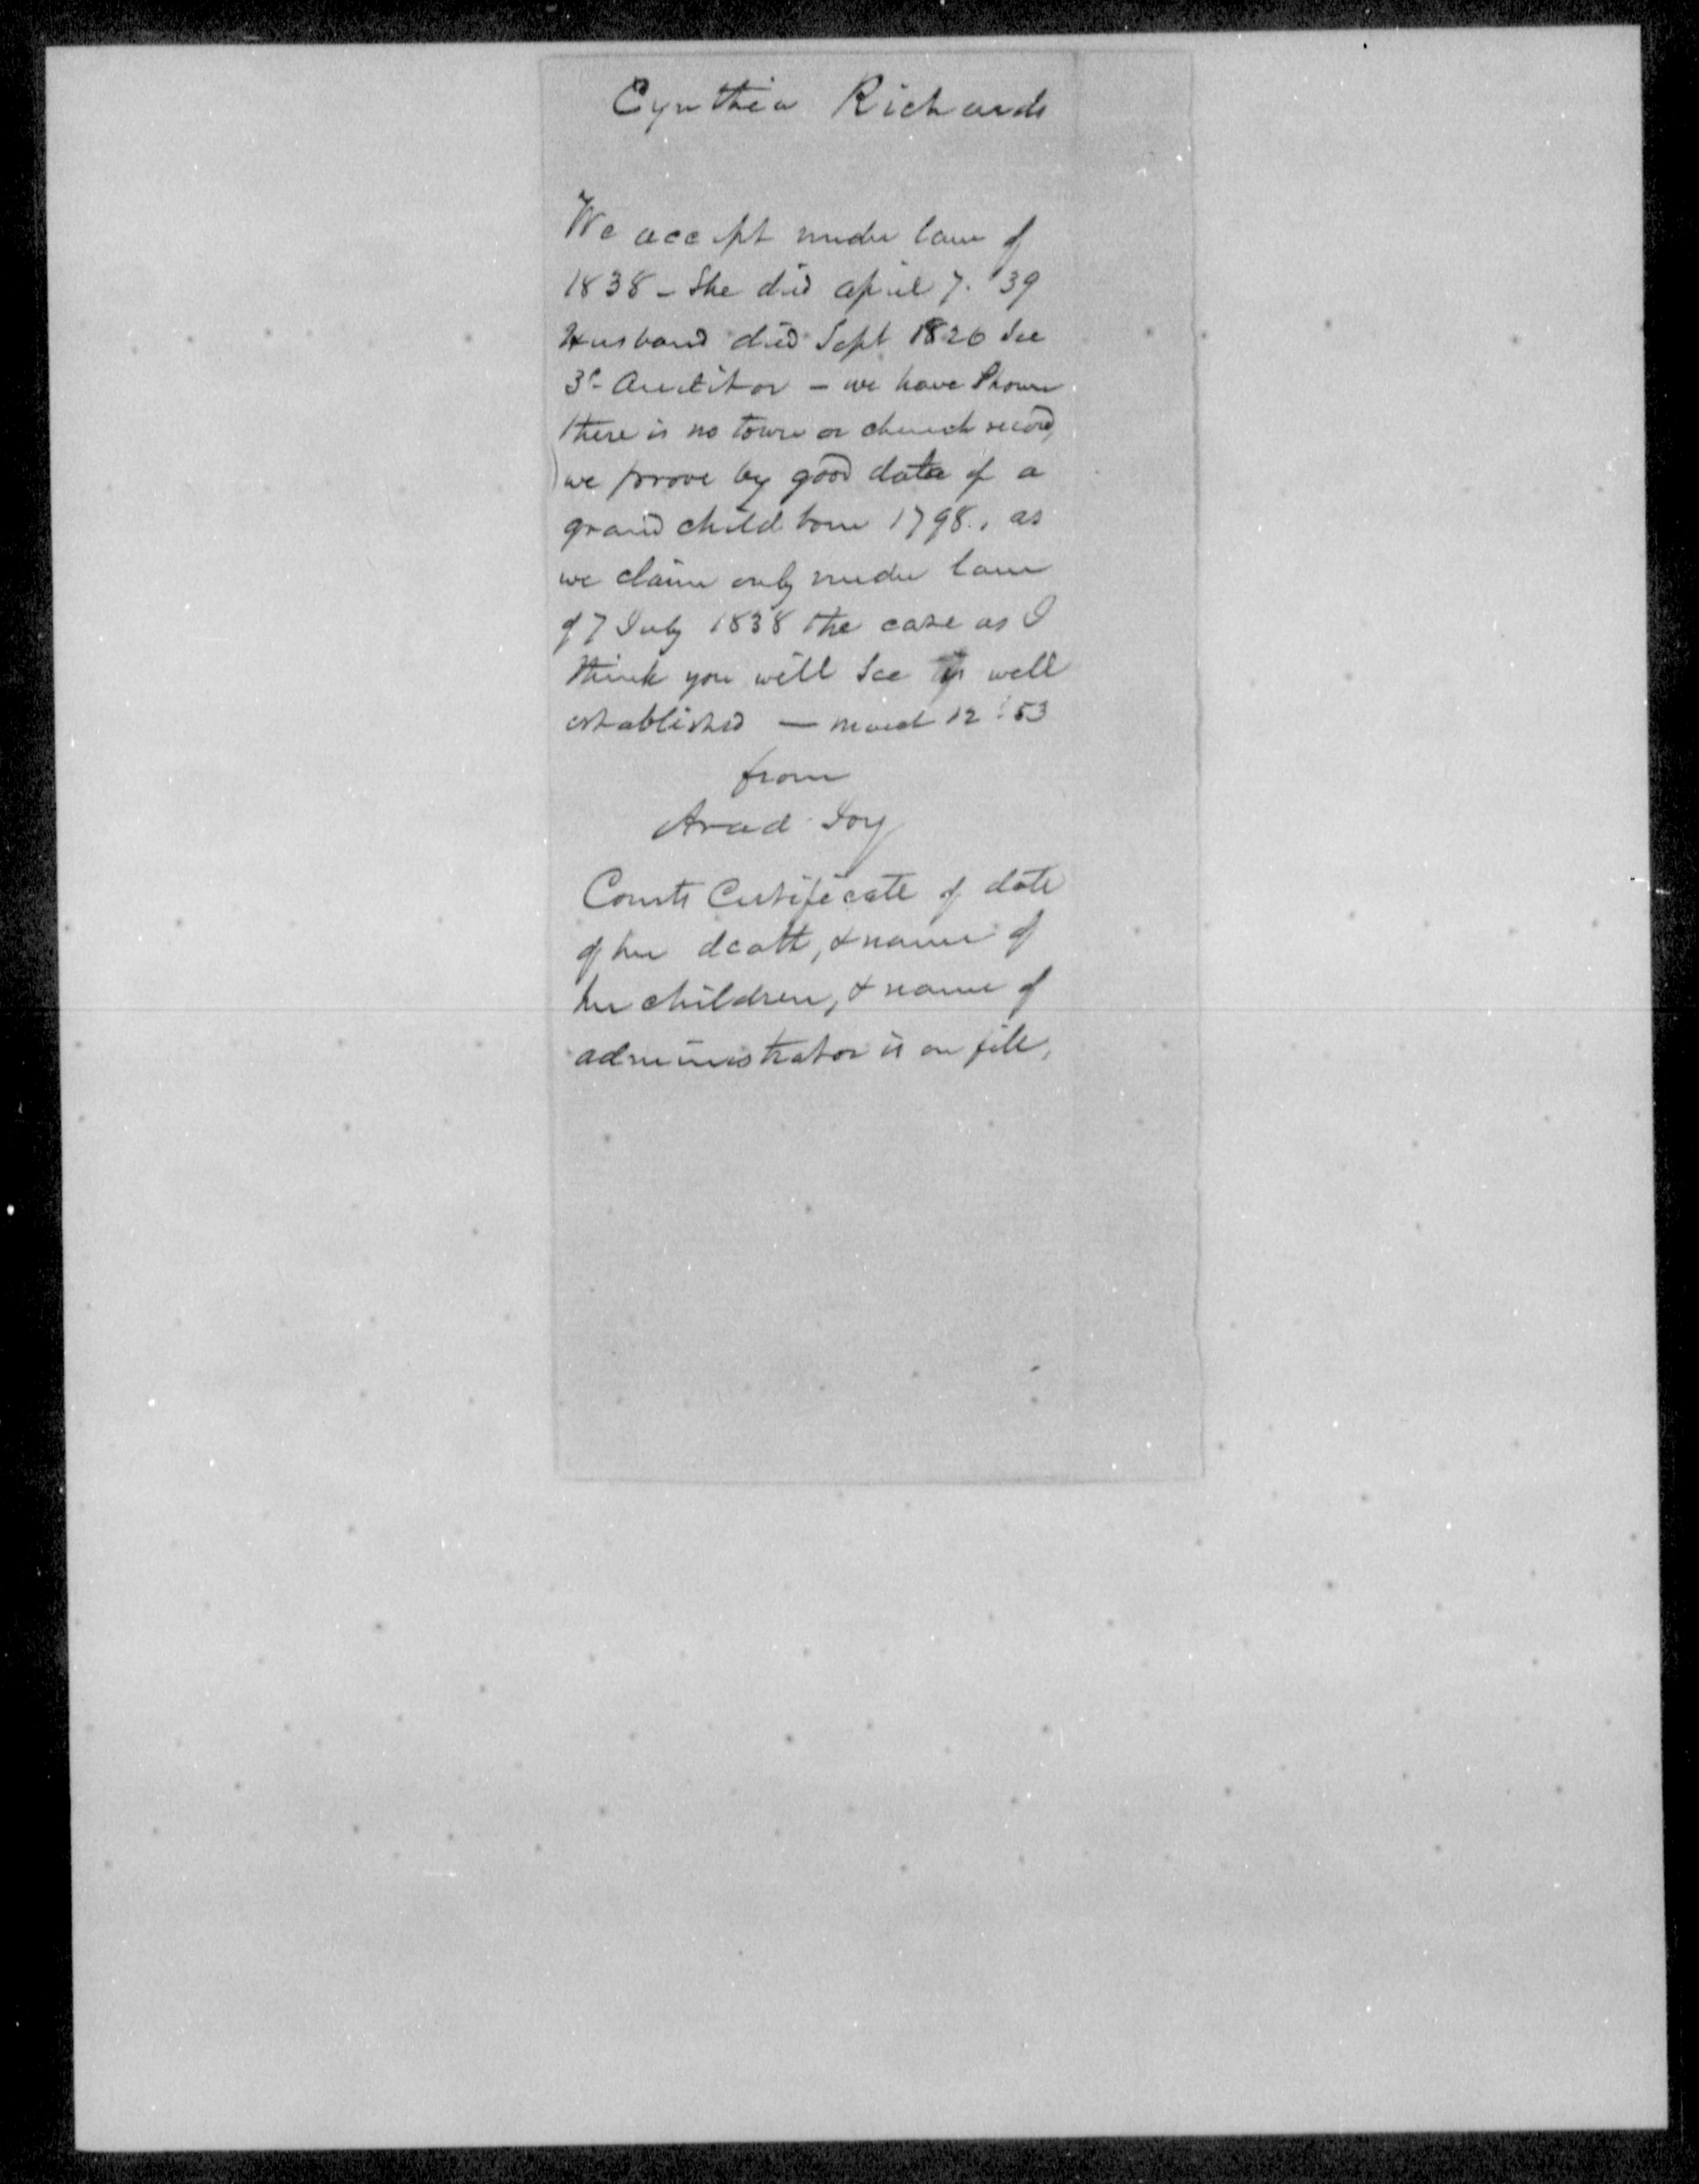Cynthia Richards
We accept under law of 1838 - she died April 7. [18]' 39 Husband died Sept 1826 See 3d [3RD] Auditor - we have shown there is no town or church record, we prove by good data of a
grand child [sic] born 1798, as we claim only under law of 17 July 1838 the case as I think you will see it well established - March 12 [18]53
from
Arad Joy
Courts certificate of date of her death, & names of the children & name of administrator is on file,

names: Cynthia Richards; Arad Joy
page: 65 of 109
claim: widow's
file: W. 5709, for Thomas Richards, New Hampshire